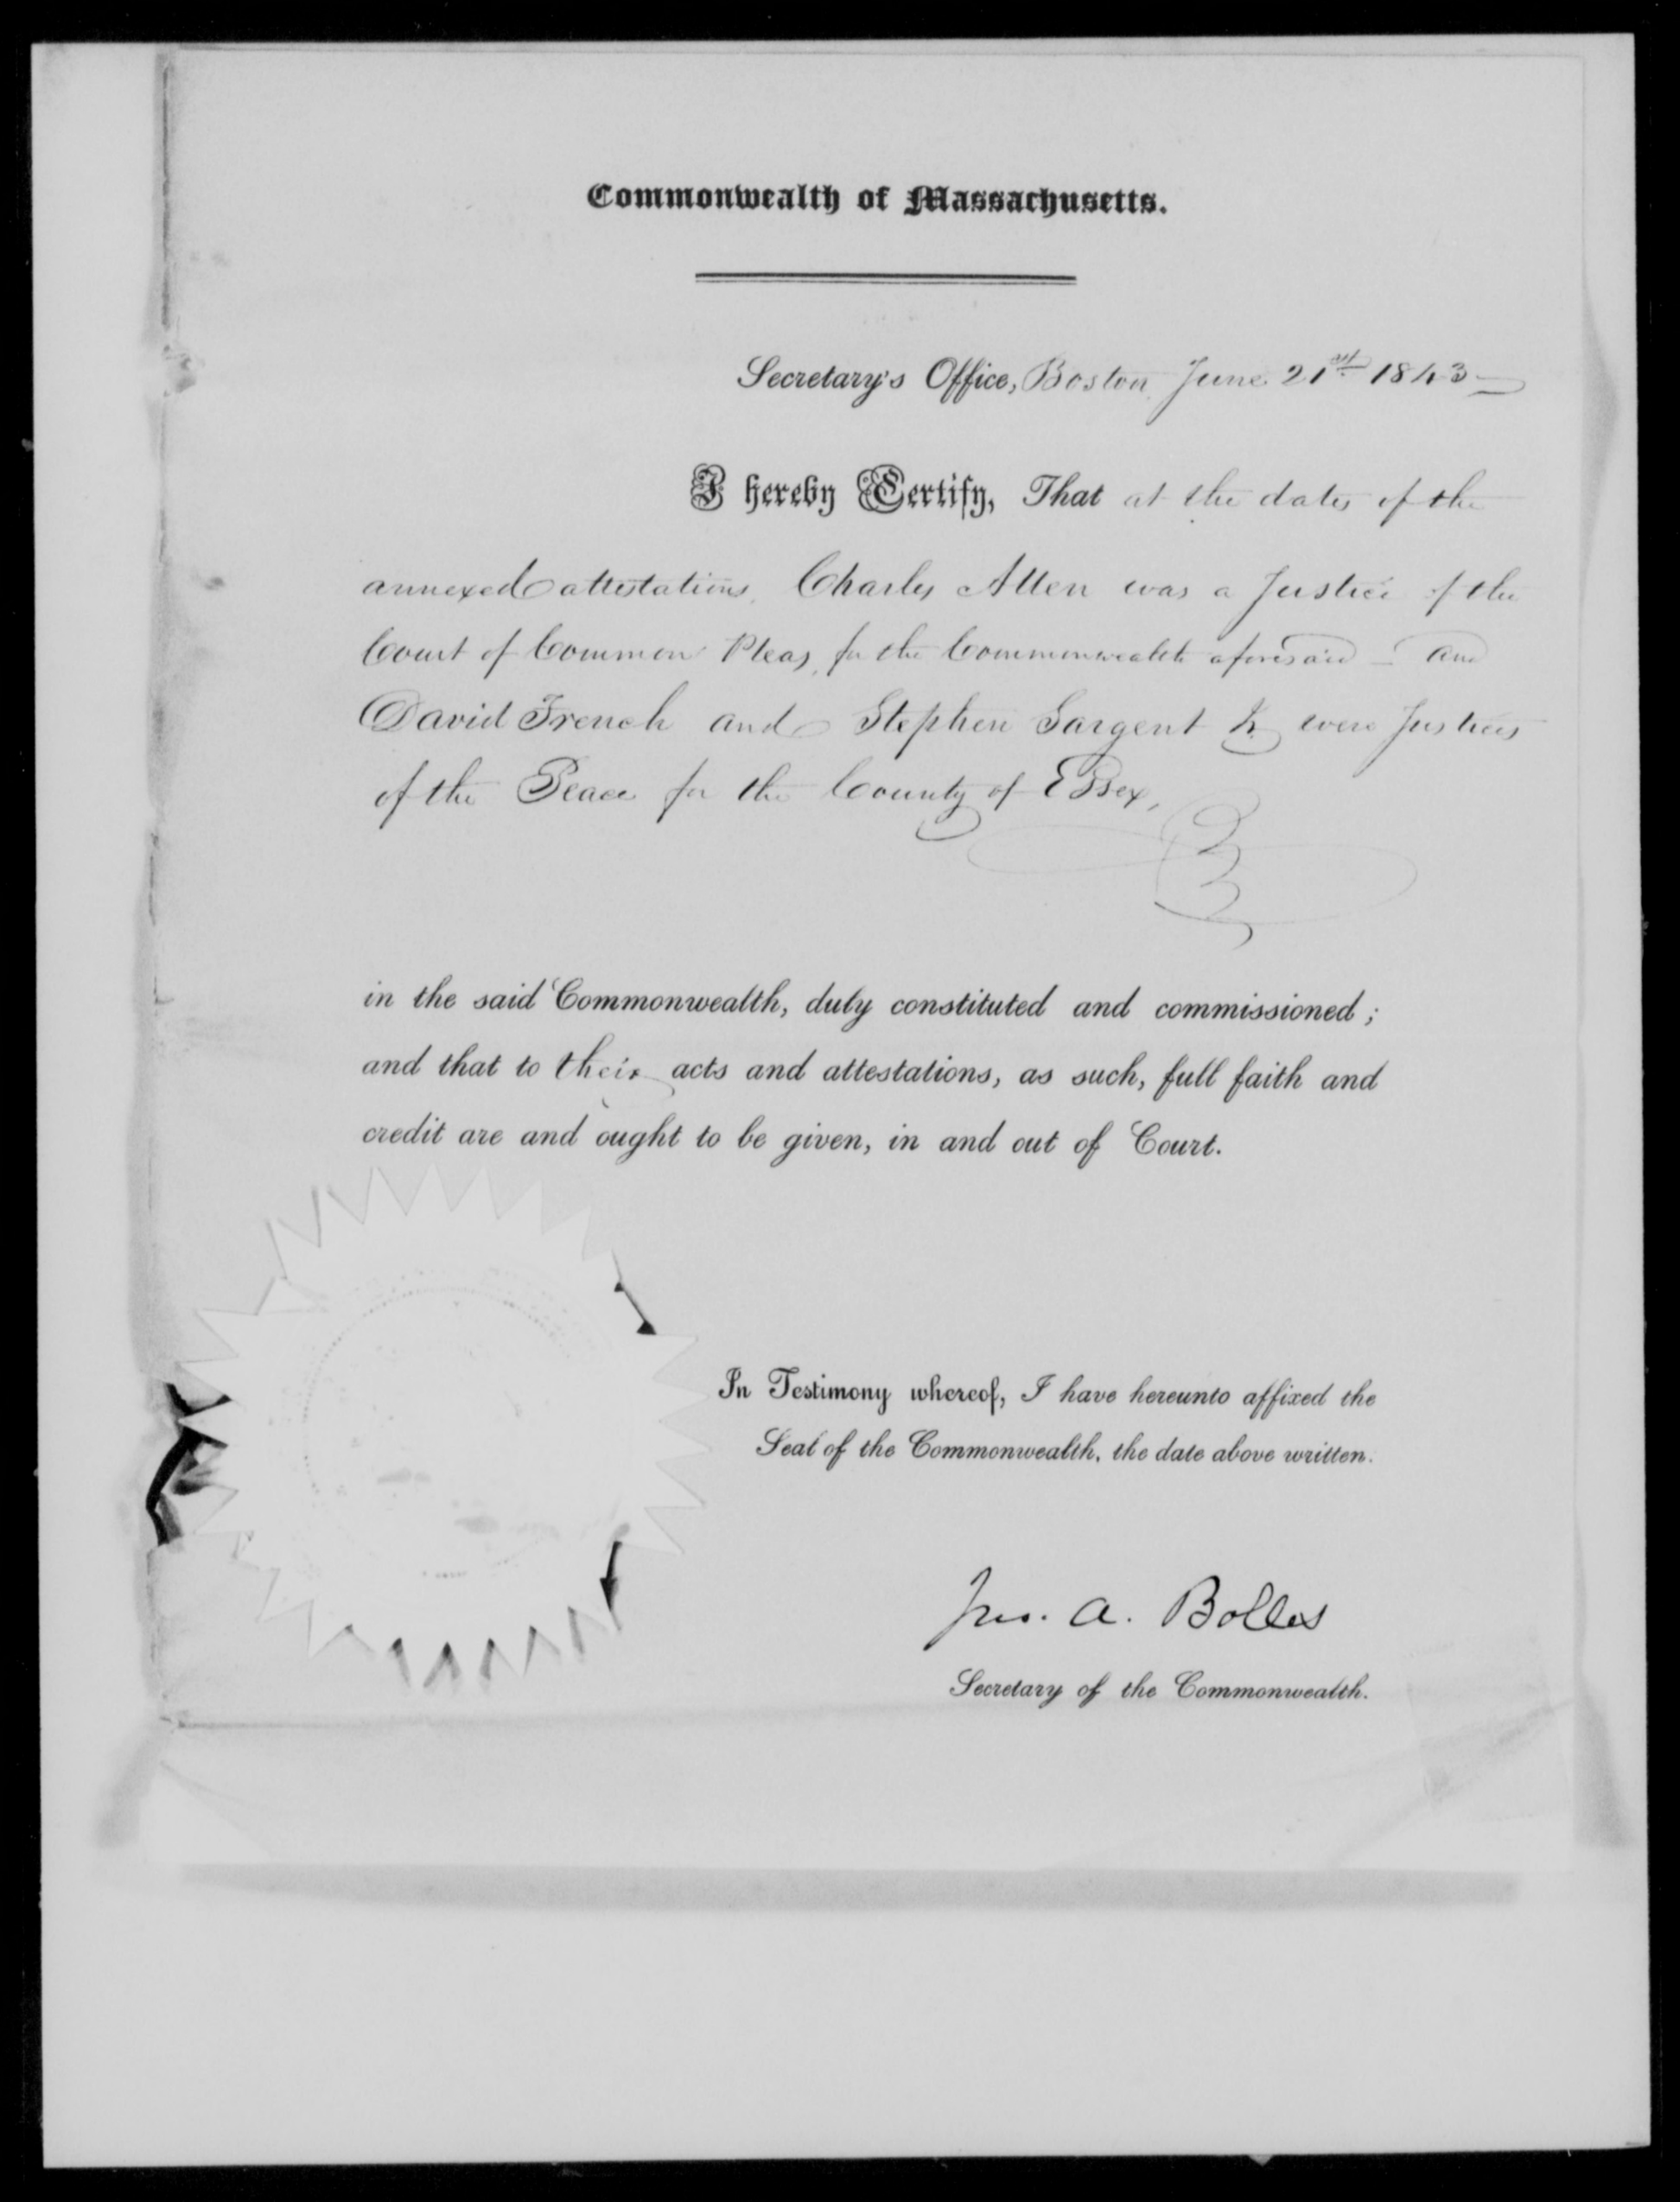Commonwealth of Massachusetts.
Secretary's Office, Boston June 21st 1843
I hereby Certify, That at the date of the annexed attestations, Charles Allen was a Justice of the Court of Common Pleas for the Commonwealth aforesaid- and David French and Stephen Sargent Jr were Justices of the Peace for the County of Essex,
in the said Commonwealth, duly constituted and commissioned; and that to their acts and attestations, as such, full faith and credit are and ought to be given, in and out of Court.
In Testimony whereof, I have hereunto affixed the
Seal of the Commonwealth, the date above written.
Jno A. Bolles
Secretary of the Commonwealth.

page: 8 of 55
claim: widow's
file: W. 14,021, for Samuel Tilton, New Hampshire